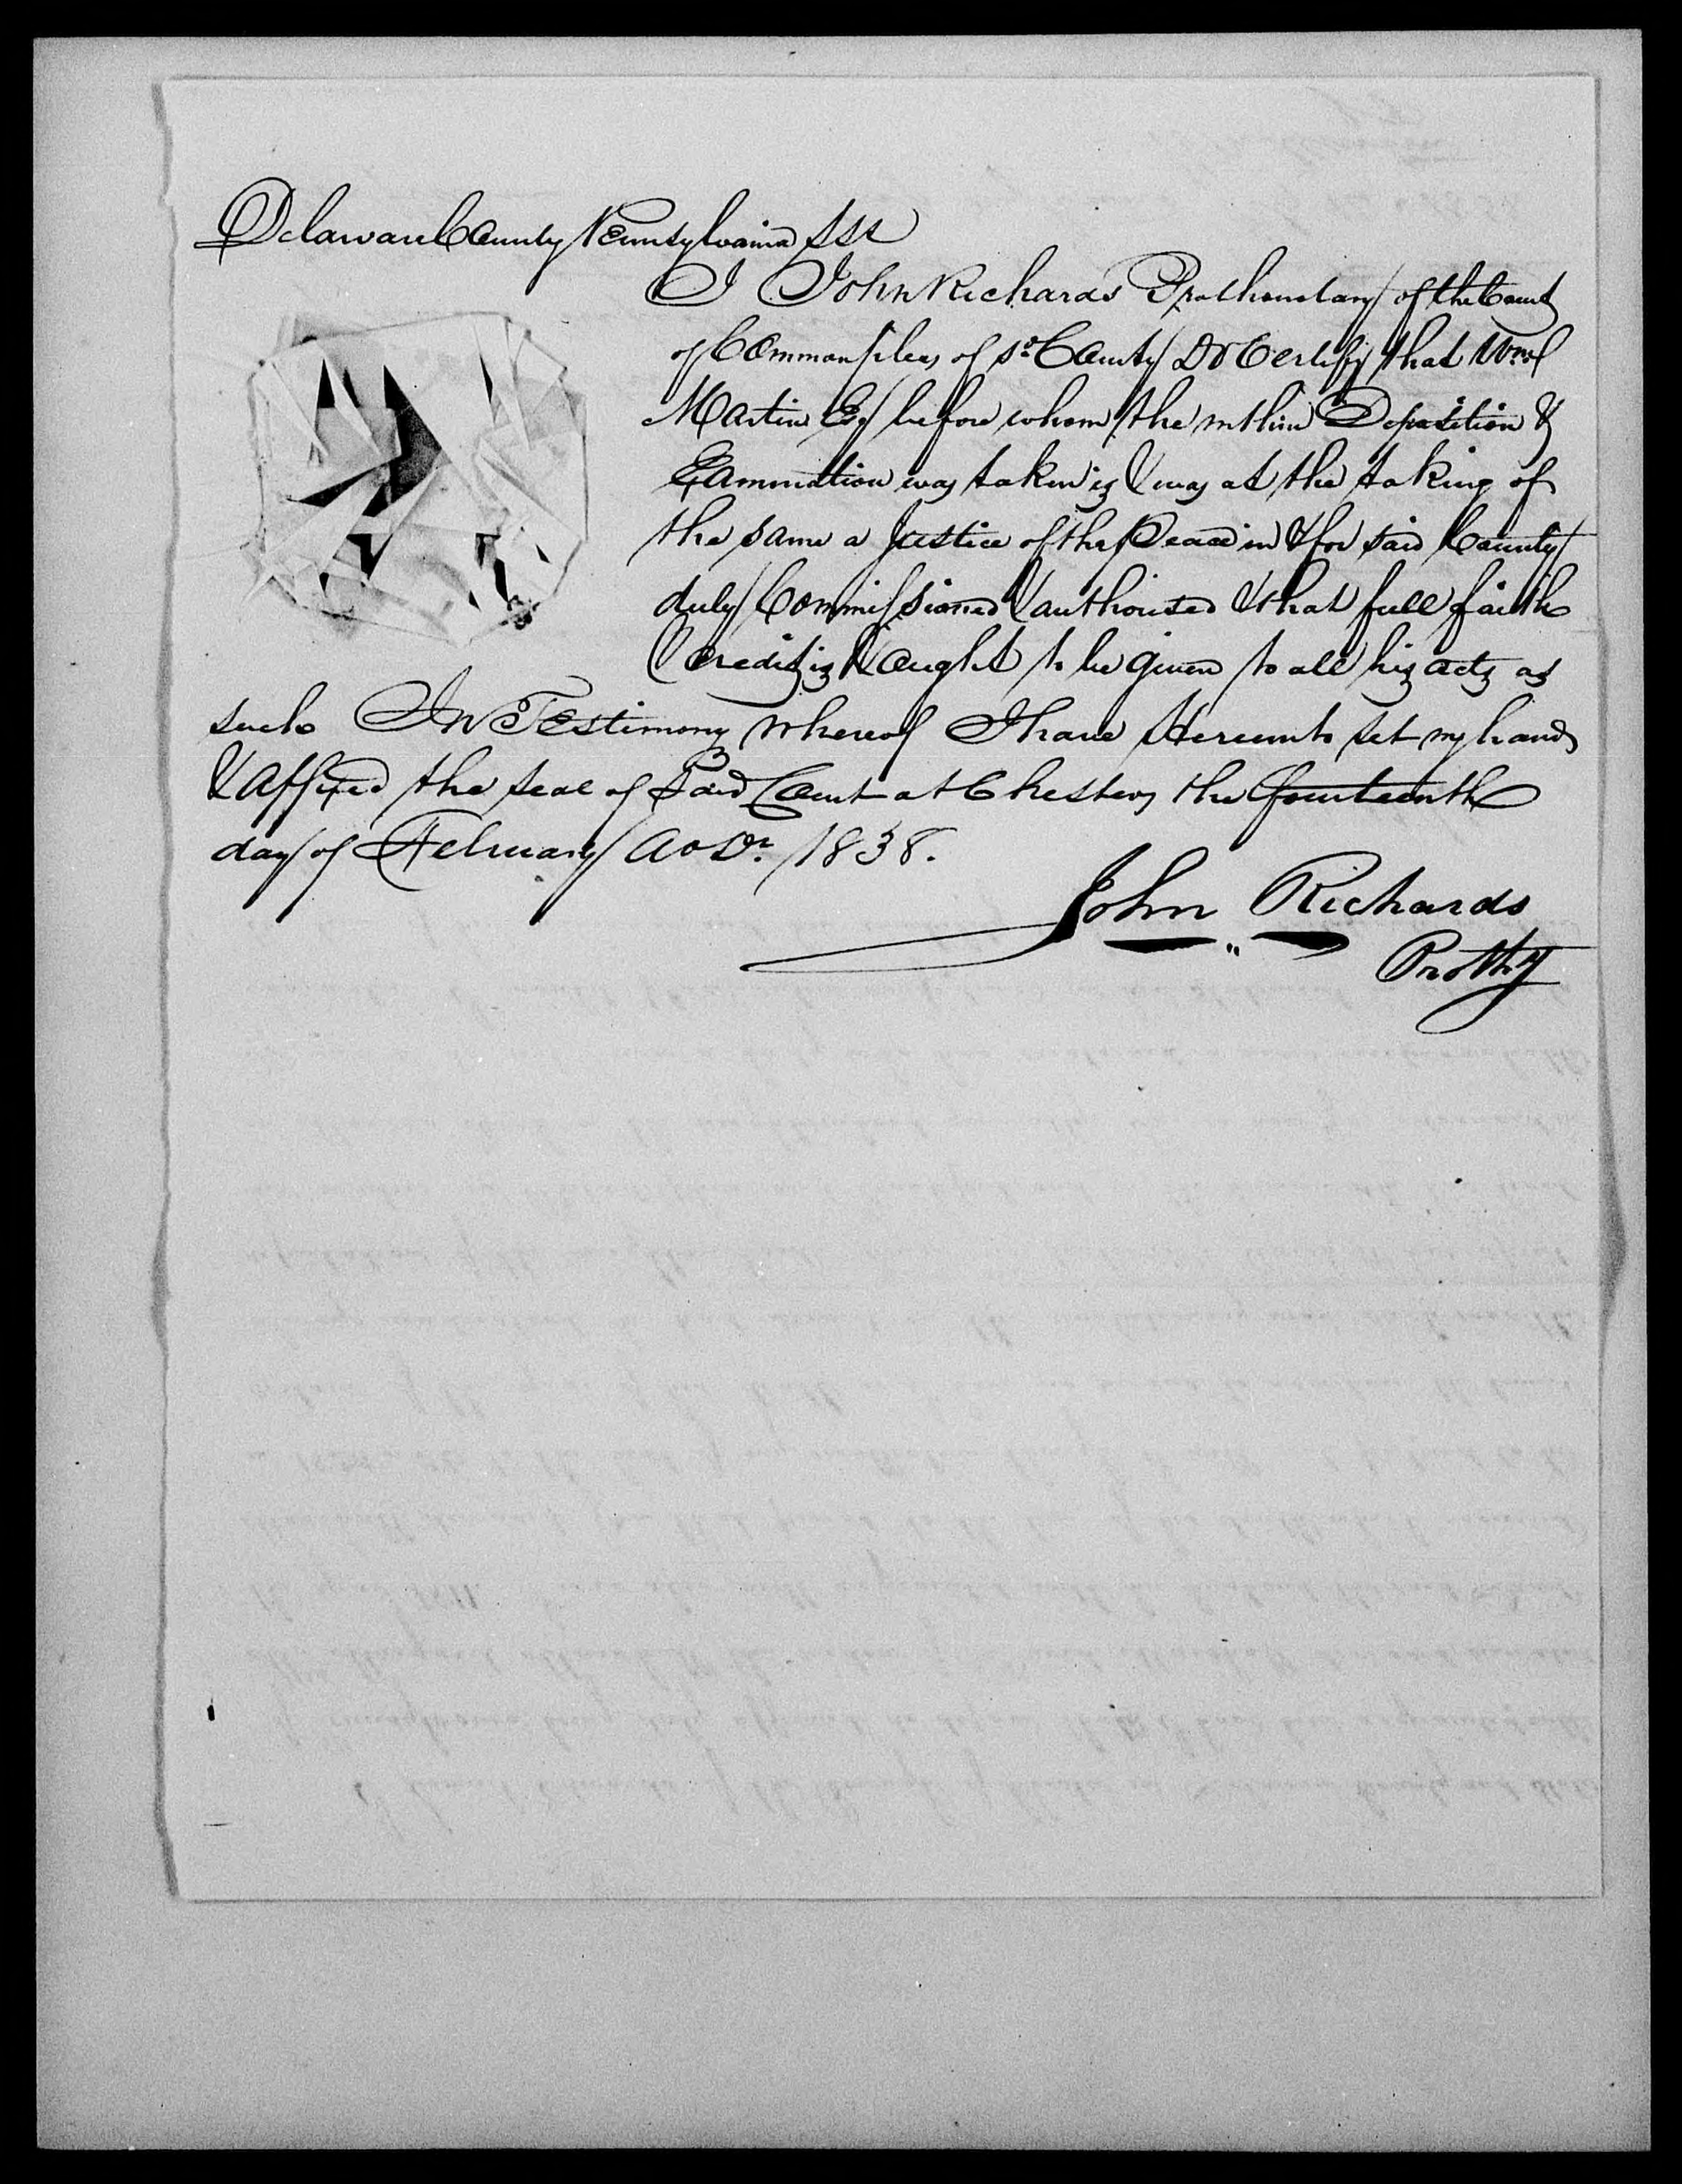Delaware County Pennsylvania

I John Richards Prothonotary of the County of Common please of s. County D certify that MM
Martin Esq. before whom the within Deposition & Examination was taking [illegible] at the taking of the same a Justice of the Peace in & for said County duly Commissioned & authorized & that full faith & credit ought to be given to all his acts as such in testimony whereof I have herewith set my hand & affixed the seal of said Court at Chester the fourteenth
day of February A.D. 1838

 John Richards
Prothy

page: 60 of 86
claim: widow's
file: W. 3571, for David Marshall, Pennsylvania